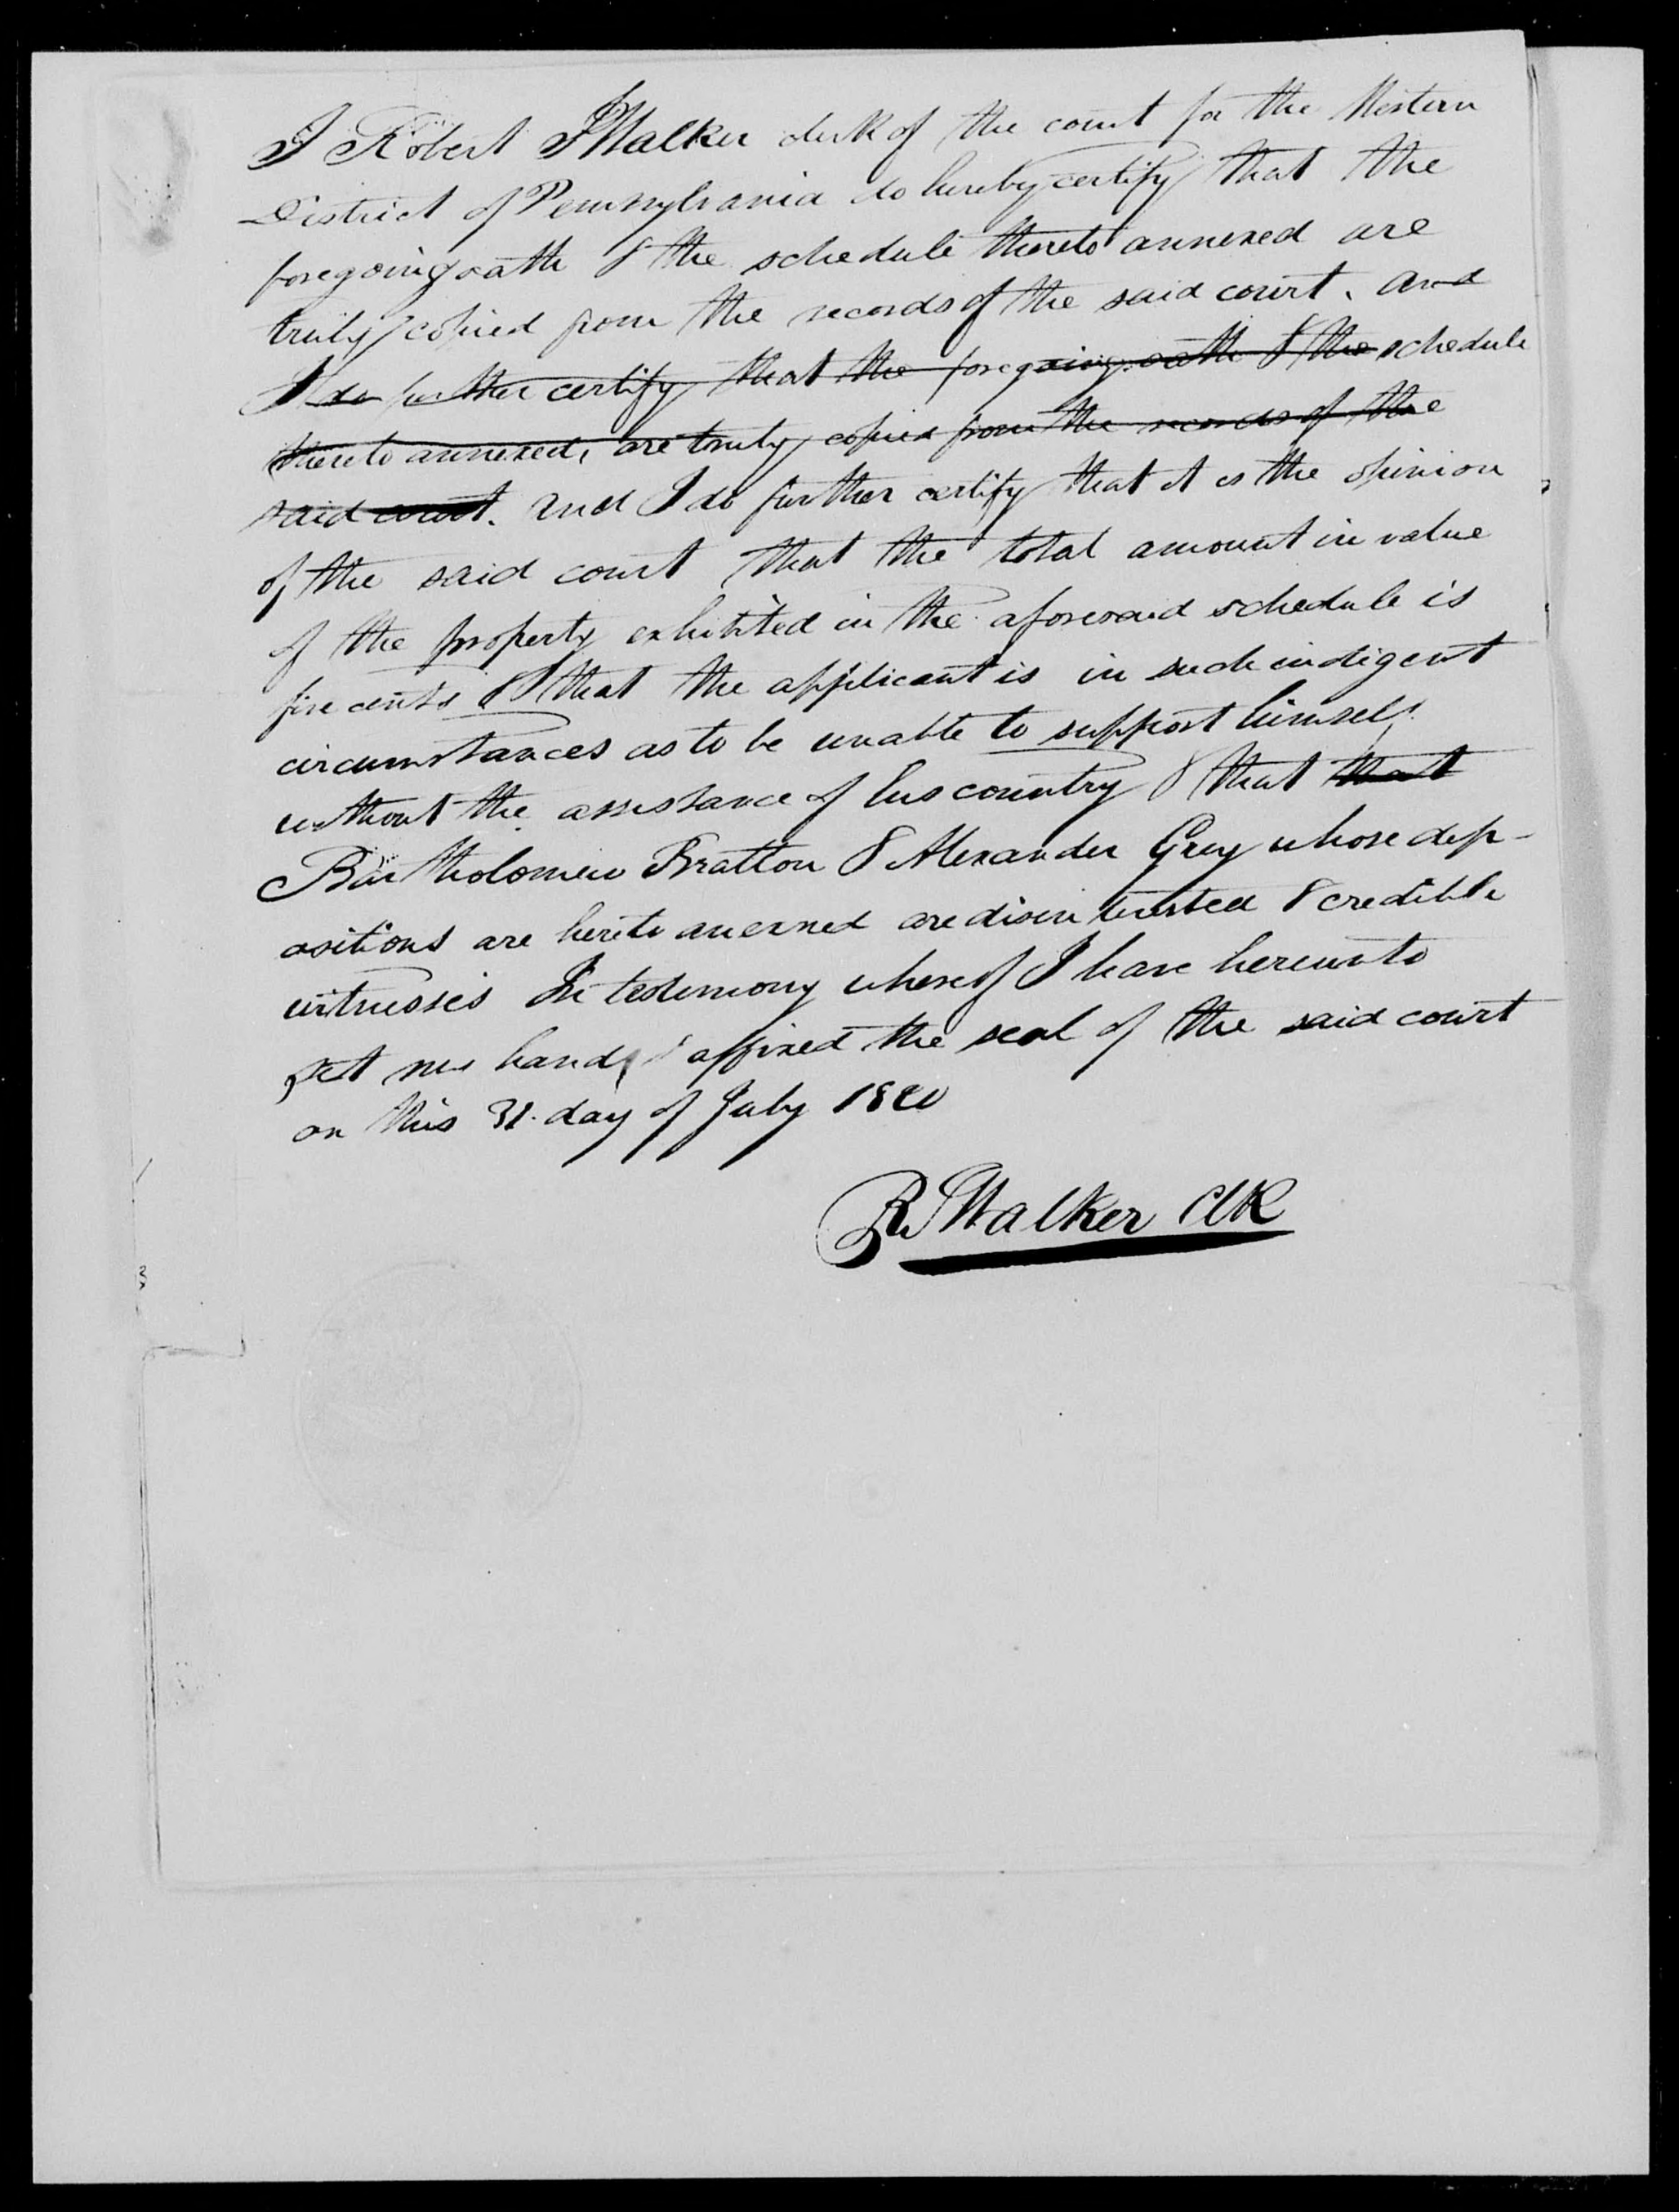I Robert J. Walker clerk of the court for the Western District of Pennsylvania do hereby certify that the foregoing oath & the schedule thereto annexed are truly copied from the records of the said court, and [crossed out:  I do further certify that the foregoing oath & the schedule thereto annexed, are truly copied from the records of the said court.] and I do further certify that it is the opinion of the said court that  the total amount in value of the property exhibited in the aforesaid schedule is five cents & that the applicant is in such indigent circumstances as to be unable to support himself without the assistance of his country & that [that written again but crossed out] Bartholomew Bratton & Alexander Grey whose depositions are hereto anexxed [annexed] are disinterested & credible witnesses the testimony whereof I have hereunto set my hand & affixed the seal of the said court on this 31 day of July 1820

R. Walker Clk [Clerk]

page: 7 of 21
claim: survivor's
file: S. 40,098, for John Lorain, Pennsylvania